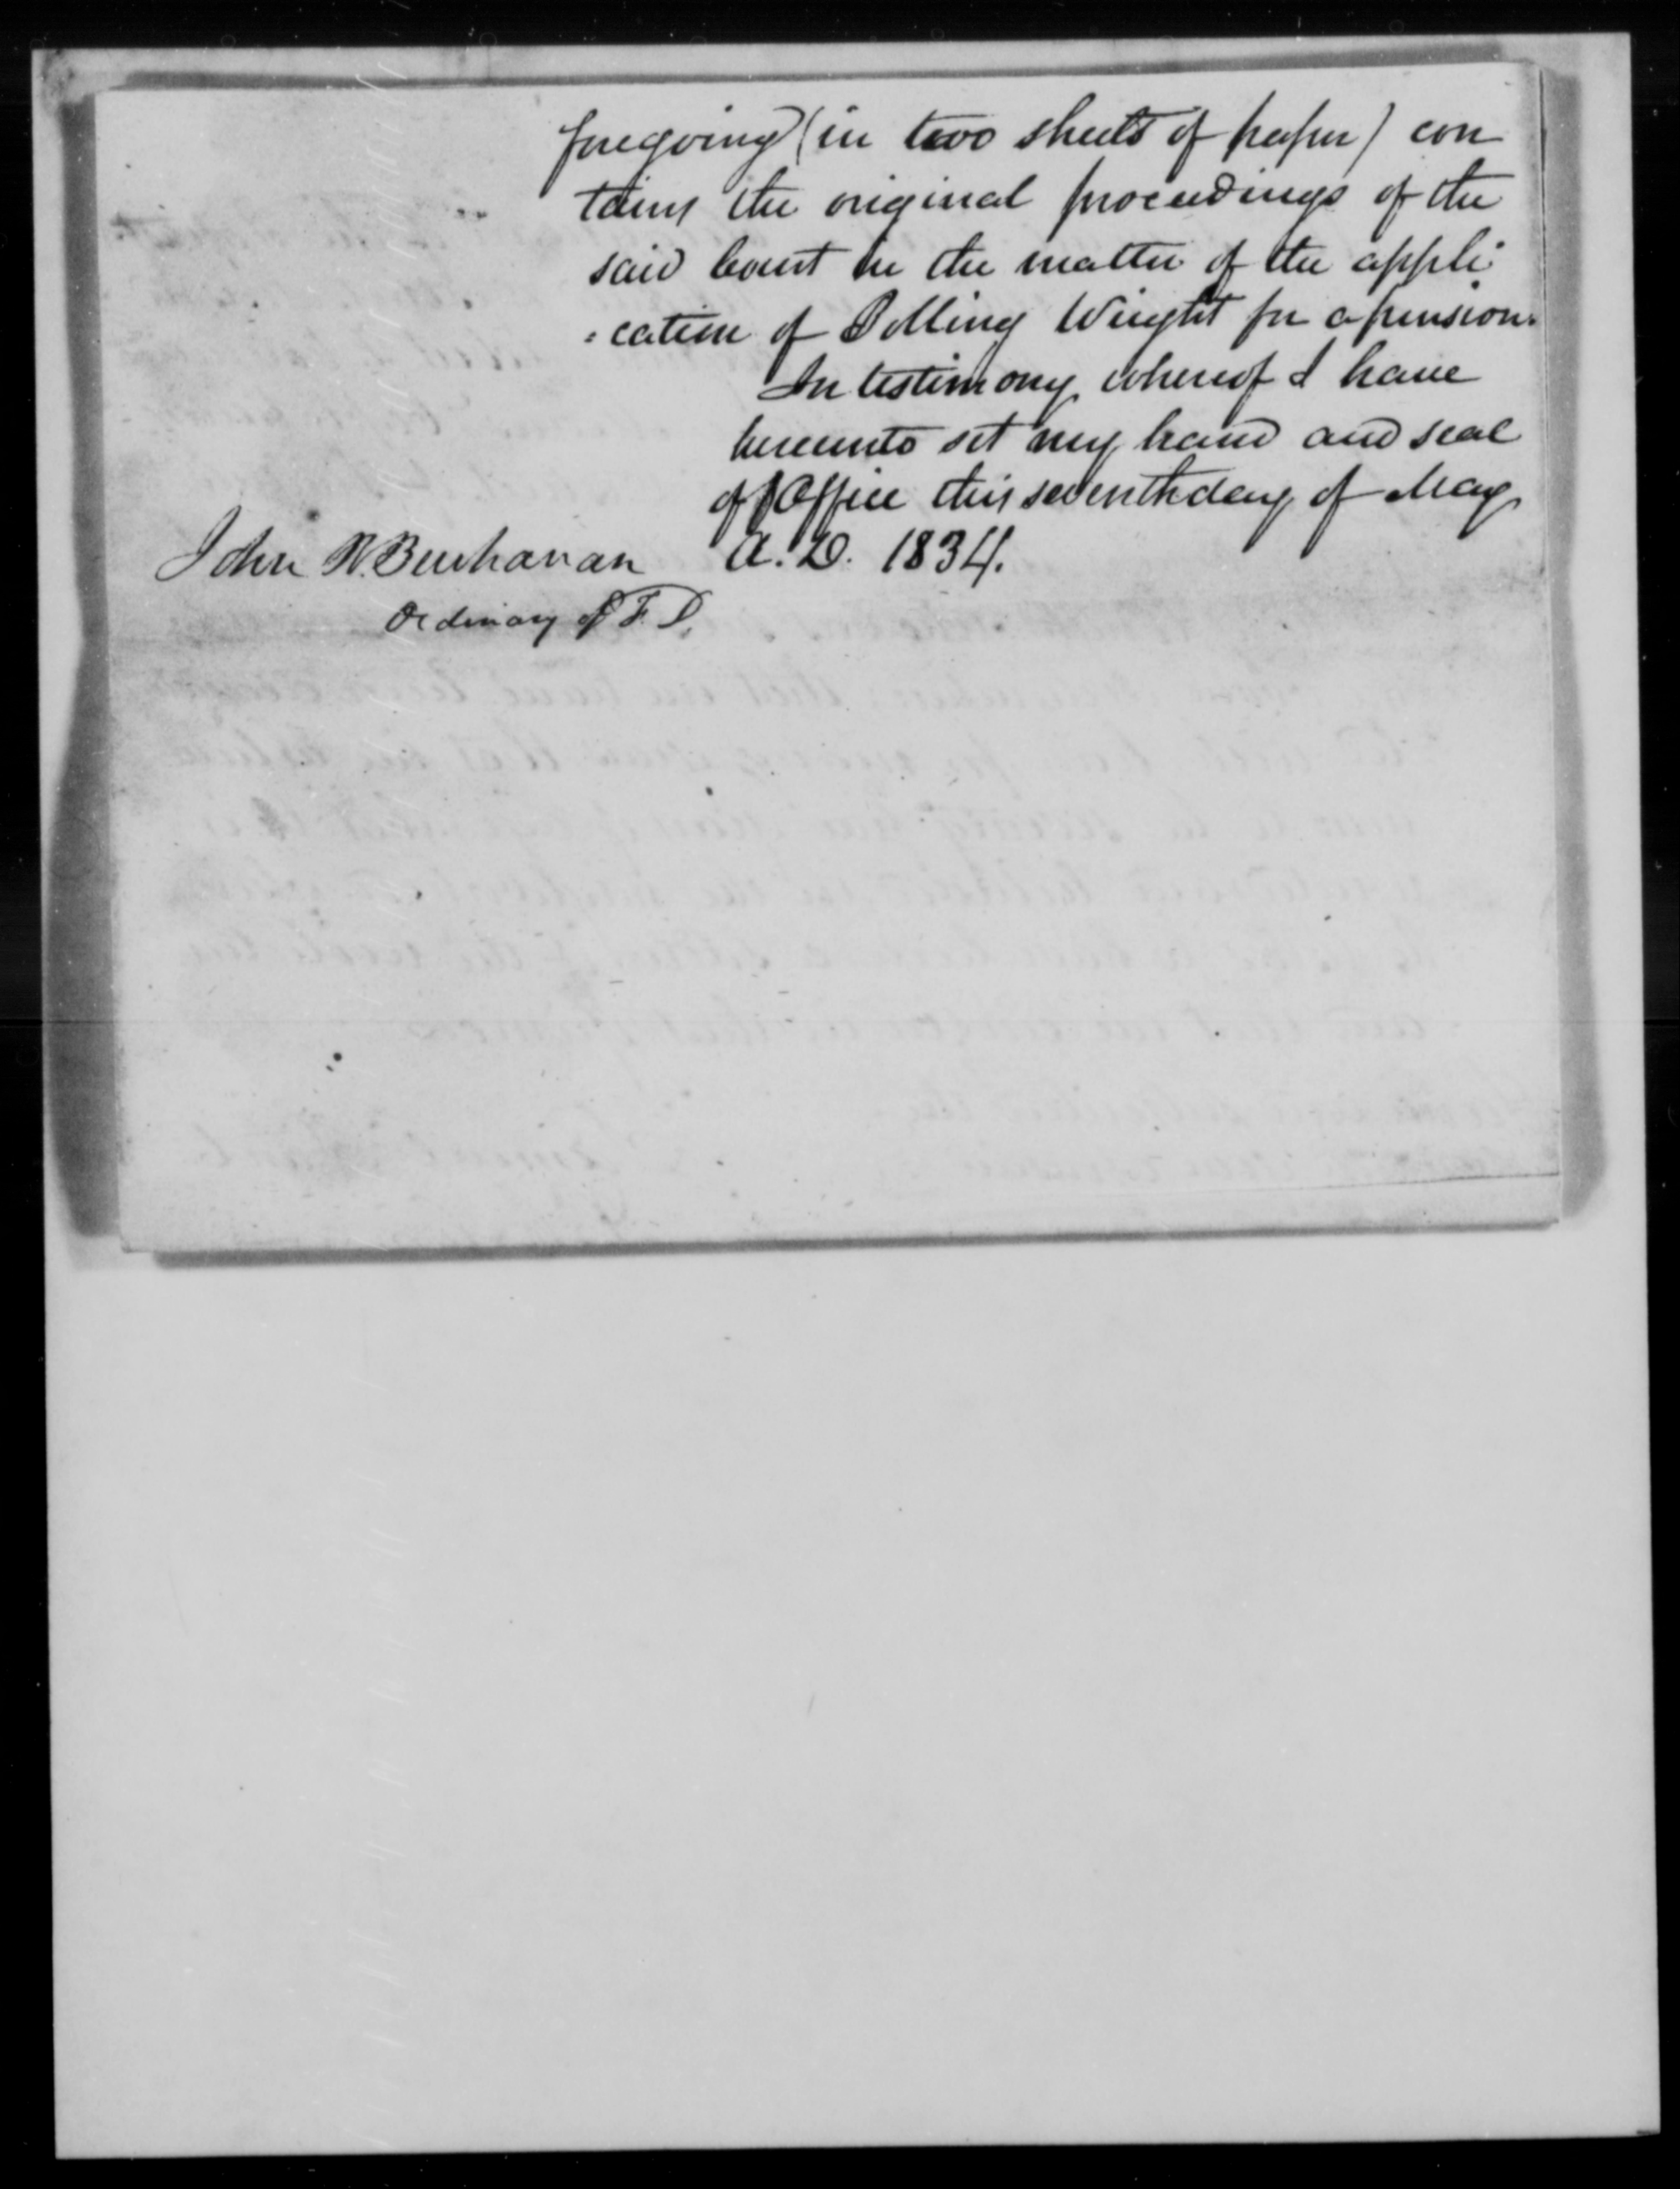foregoing (in two sheers of paper) contains the original proceedings of the said court in the matter of the application of Bolling Wright for a pension
In testimony whereof I have hereunto set my hand and seal of Office this seventh day of May A.D. 1834
John R. Buchanan
Ordinary of F.L.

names: John R Buchanan, Bolling Wright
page: 18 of 81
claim: widow's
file: W. 5183, Bolling Wright, Va.